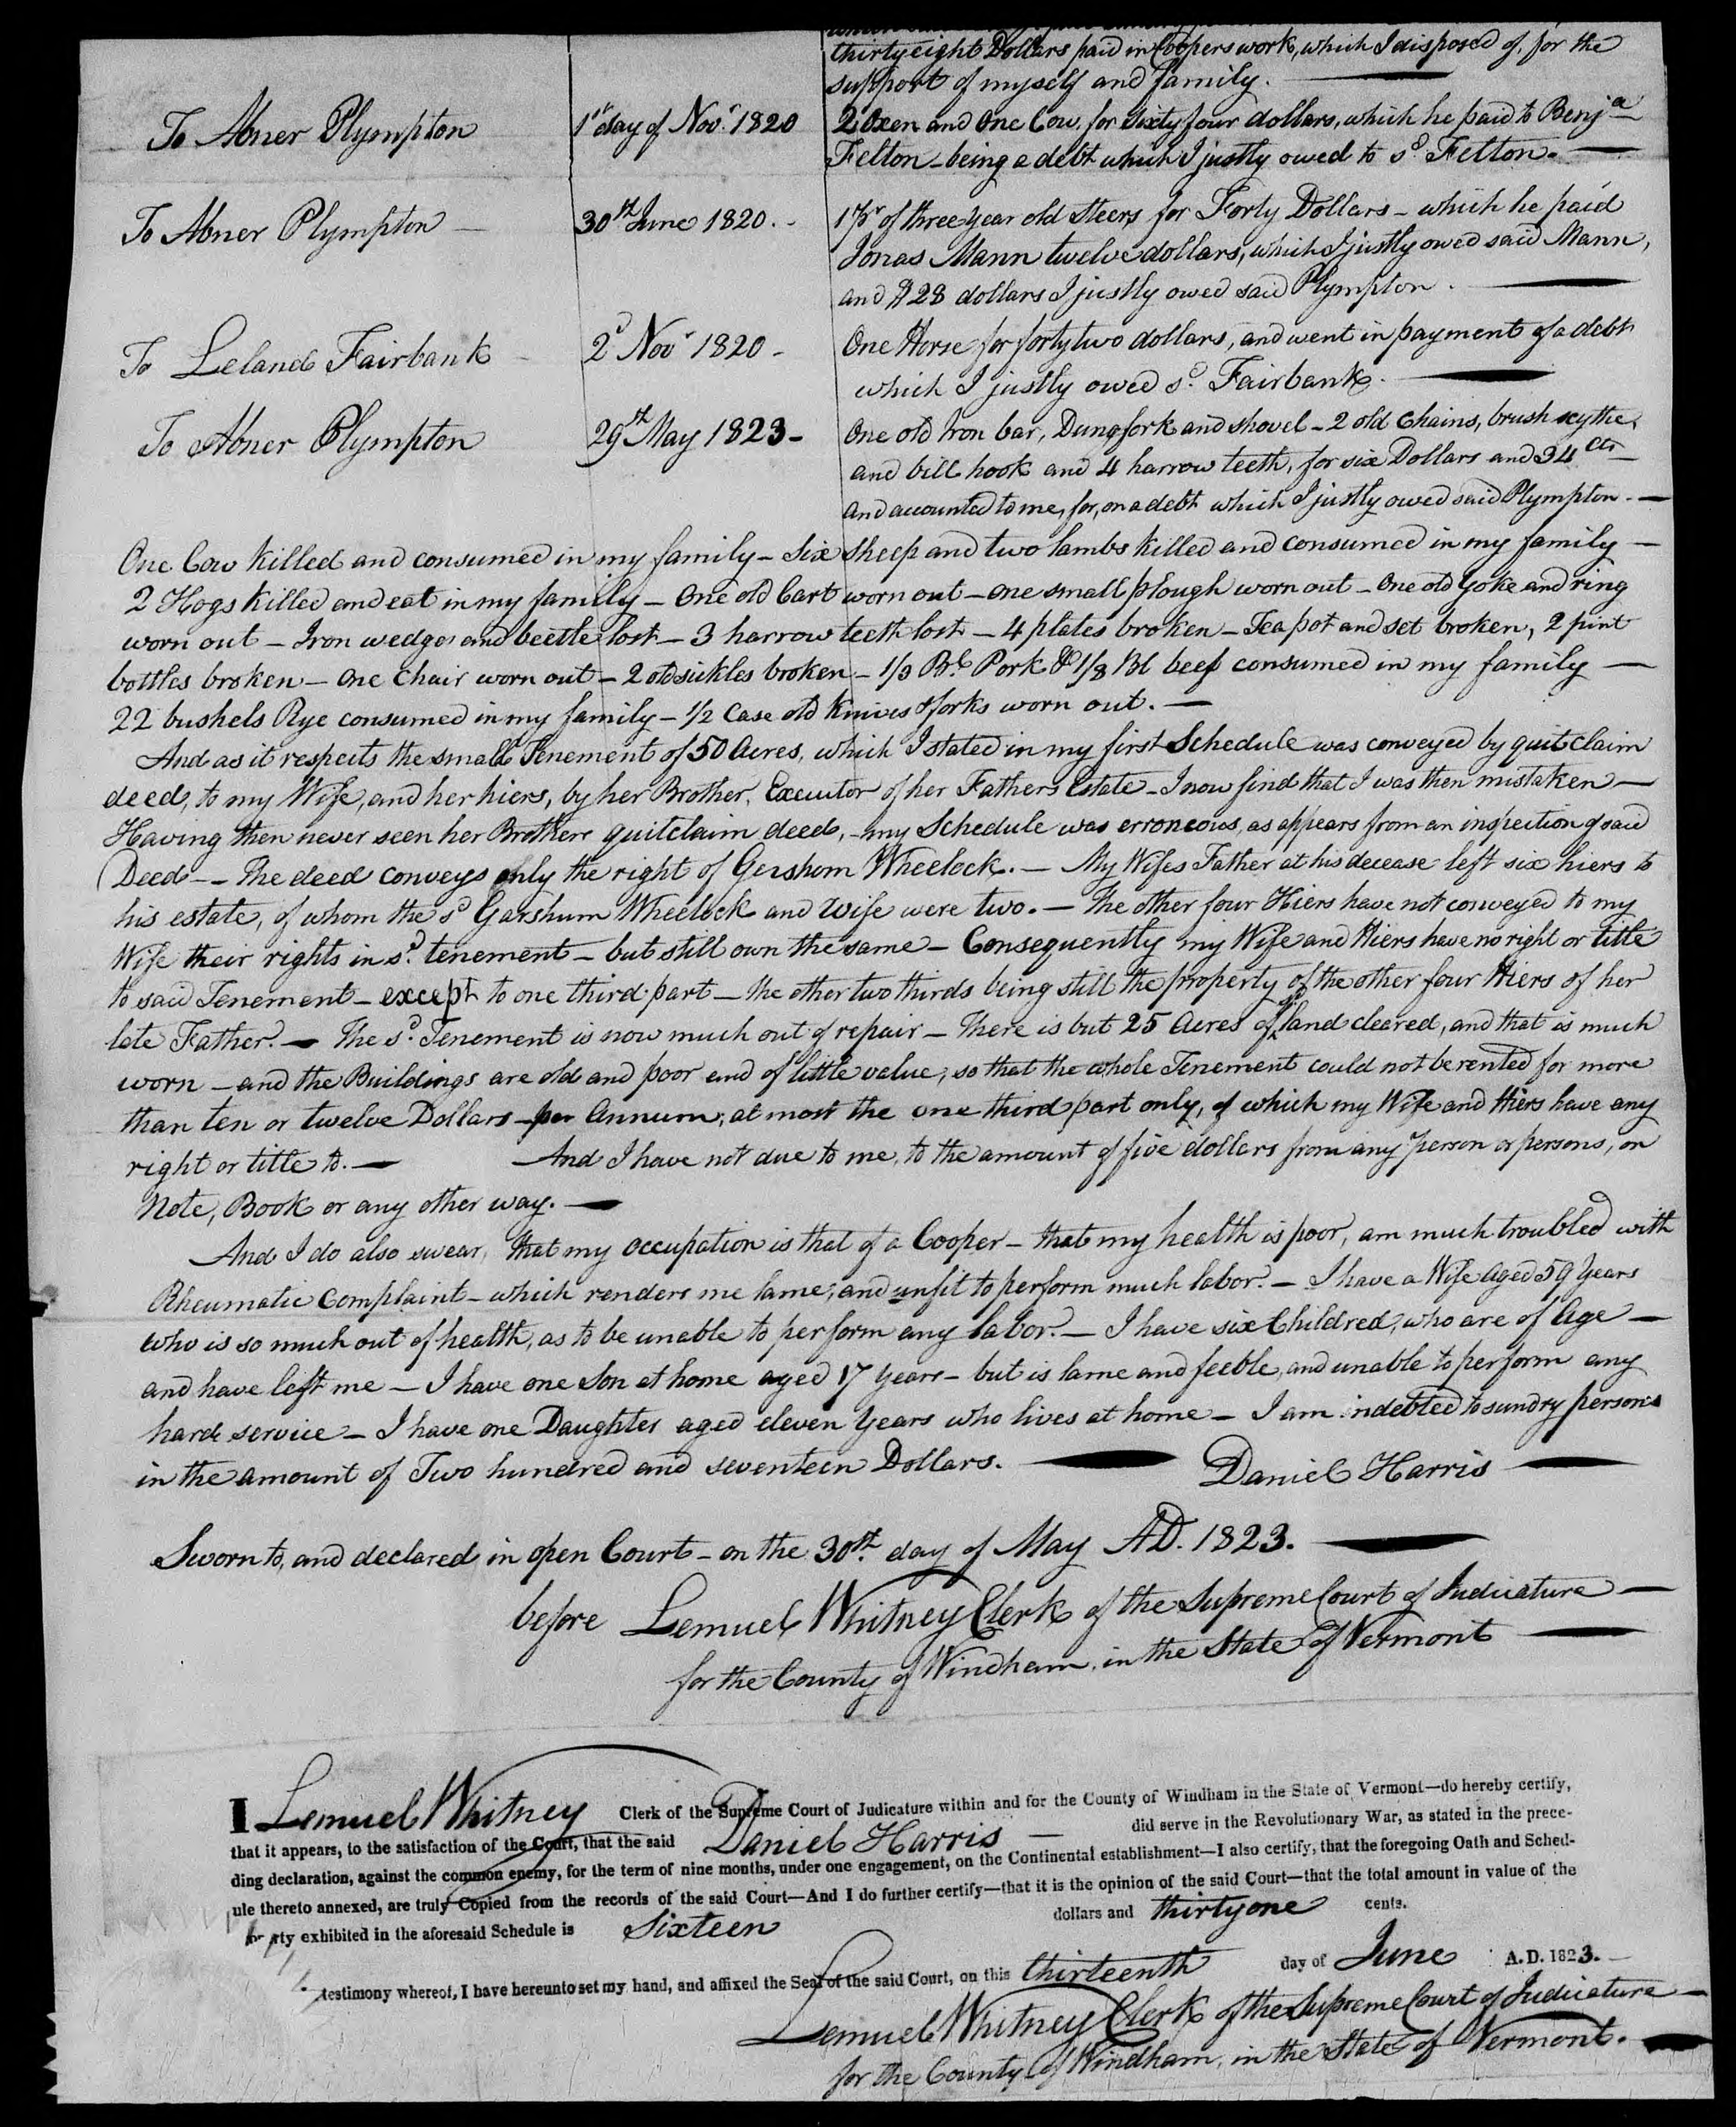To Abner Plympton  1stday of Nov. 1820  [first line of text - cut off]  thirty eight Dollars paid in Coopers work, which I dispersed of for the support of myself and family 

To Abner Plympton  30th June 1820  1 pr of three year old Steers for Forty Dollars which he paid Jonas Mann twelve dollars, which I justly owed said Mann, and $28 dollars I justly owed said Plympton. 

To Leland Fairbank  2 Nov. 1820  One Horse for forty two dollars, and went in payment of a debt which I justly owed said Fairbank. 

To Abner Plympton 29th May 1823  One old Iron bar, Dungfork and shovel - 2 old C hairs, brush scythe, and bill hook and 4 harrow teeth, for six Dollars and 34 cents and accounted to me, for, on a debt which I justly owed said Plympton. 

One Cow killed and consumed in my family - Six Sheep and two Lambs killed and consumed  in my family - 2 Hogs killed and eat in my family - One old Cart worn out - one small plough worn out  - One old Yoke and ring worn out - Iron wedge and beetle lost - 3 harrow teeth lost - 4 plates broken - Tea pot and set broken, 2 pint bottles broken, one chari worn out - 2 sickles broken - k1/3 (?) Pork and 1/8 (?) beef consumed in my family - 22 bushels Rye consumed in my family - 1/2 case old knives & forks worn out. 

And as it respects the small tenement of 50 Acres, which I stated in my first Schedule was conveyed by quit claim deed, to my Wife, and her heirs, by her Brother, Executor of her Father's Estate - I now find that I was then mistaken  -  Having then never see her Brothers quitclaim deed, my Schedule was erroneous, as appears from an inspection of said Deed  The deed conveys only the right of Gershom Wheelock.  My Wife's Father at his decease - left six heirs [heirs]  to his Estate, of whom the Said Gershum Wheelock and wife were two. - the other four heirs have not conveyed to my  Wife  their rights (?) tenement - but still own the same -  Consequently my Wife and Heirs have no right or title to said Tenement - except to one third part - the other two thirds being still the property of the other four heirs of her late Father.  The said Tenement is now much out of repair. - there is but 25 Acres of land cleared, and that is much worn and the Buildings are old and poor and of little value, so that the whole Tenement could not be rented for more than two or twelve Dollars - per Annum, at most the one third part only, of which my Wife and heirs have any right or title to.  And I have not due to me, to the amount of five dollars from any person or persons, on Note, Book or any other way. 

And I do also swear, that my occupation is that of a Cooper - that my health is poor, am much troubled with Rheumatic Complaint,, which renders me lame, and unfit to perform much labor. I have a Wife aged 59 years who is so much out of health, as to be unable to perform  any labor. I have six Children, who are of Age - and have left me - I have on Son at home  aged 17 years - but is lame and feeble, and unable to perform any hard service. I have one Daughter aged eleven years who lives at home - I am indebted to sundry persons in the amount of Two hundred and seventeen Dollars.   

Signature of Daniel Harris

Sworn and declared in open Court - on the 30th day of May A.D. 1823. 
before Lemuel Whitney  Clerk of the Supreme Court of Judicature for the County of Windham in the State of Vermont

I Lemuel Whitney Clerk of the Supreme Court of Judicature within and for the County of Windham in the State of Vermont - do herby certify, that it appears to the satisfaction of the Court, that the said Daniel Harris did serve in the Revolutionary War, as stated in the preceding declaration, against the common enemy, for the term of nine months, under one engagement on the Continental establishment - I also certify, that the foregoing Oath and Schedule thereto annexed, are truly Copied from the records of the said Court -  And I do further certify - that it is the opinion of the said Court - that the total amount in value of Sixteen dollars and thirty one cents. 

In testimony whereof, I have hereunto set my hand, and affixed the Seal of the said Court, on this thirteenth day of June A.D. 1823.

Signature of Lemuel Whitney Clerk of the Supreme Court of Judicature for the County of Windham in the State of Vermont.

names: Leland Fairbank, Daniel Harris, Lemuel Whitney, Plympton, Garshum Wheelock, Jonas Mann, Daniel Harris, Gershom Wheelock, Mann, Benja Felton, Lamuel Whitney, Felton, Fairbank, Plympton, Abner Plympton, Abner Plympton, Abner Plympton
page: 53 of 68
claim: survivor's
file: S. 29,877, Daniel Harris, Mass.